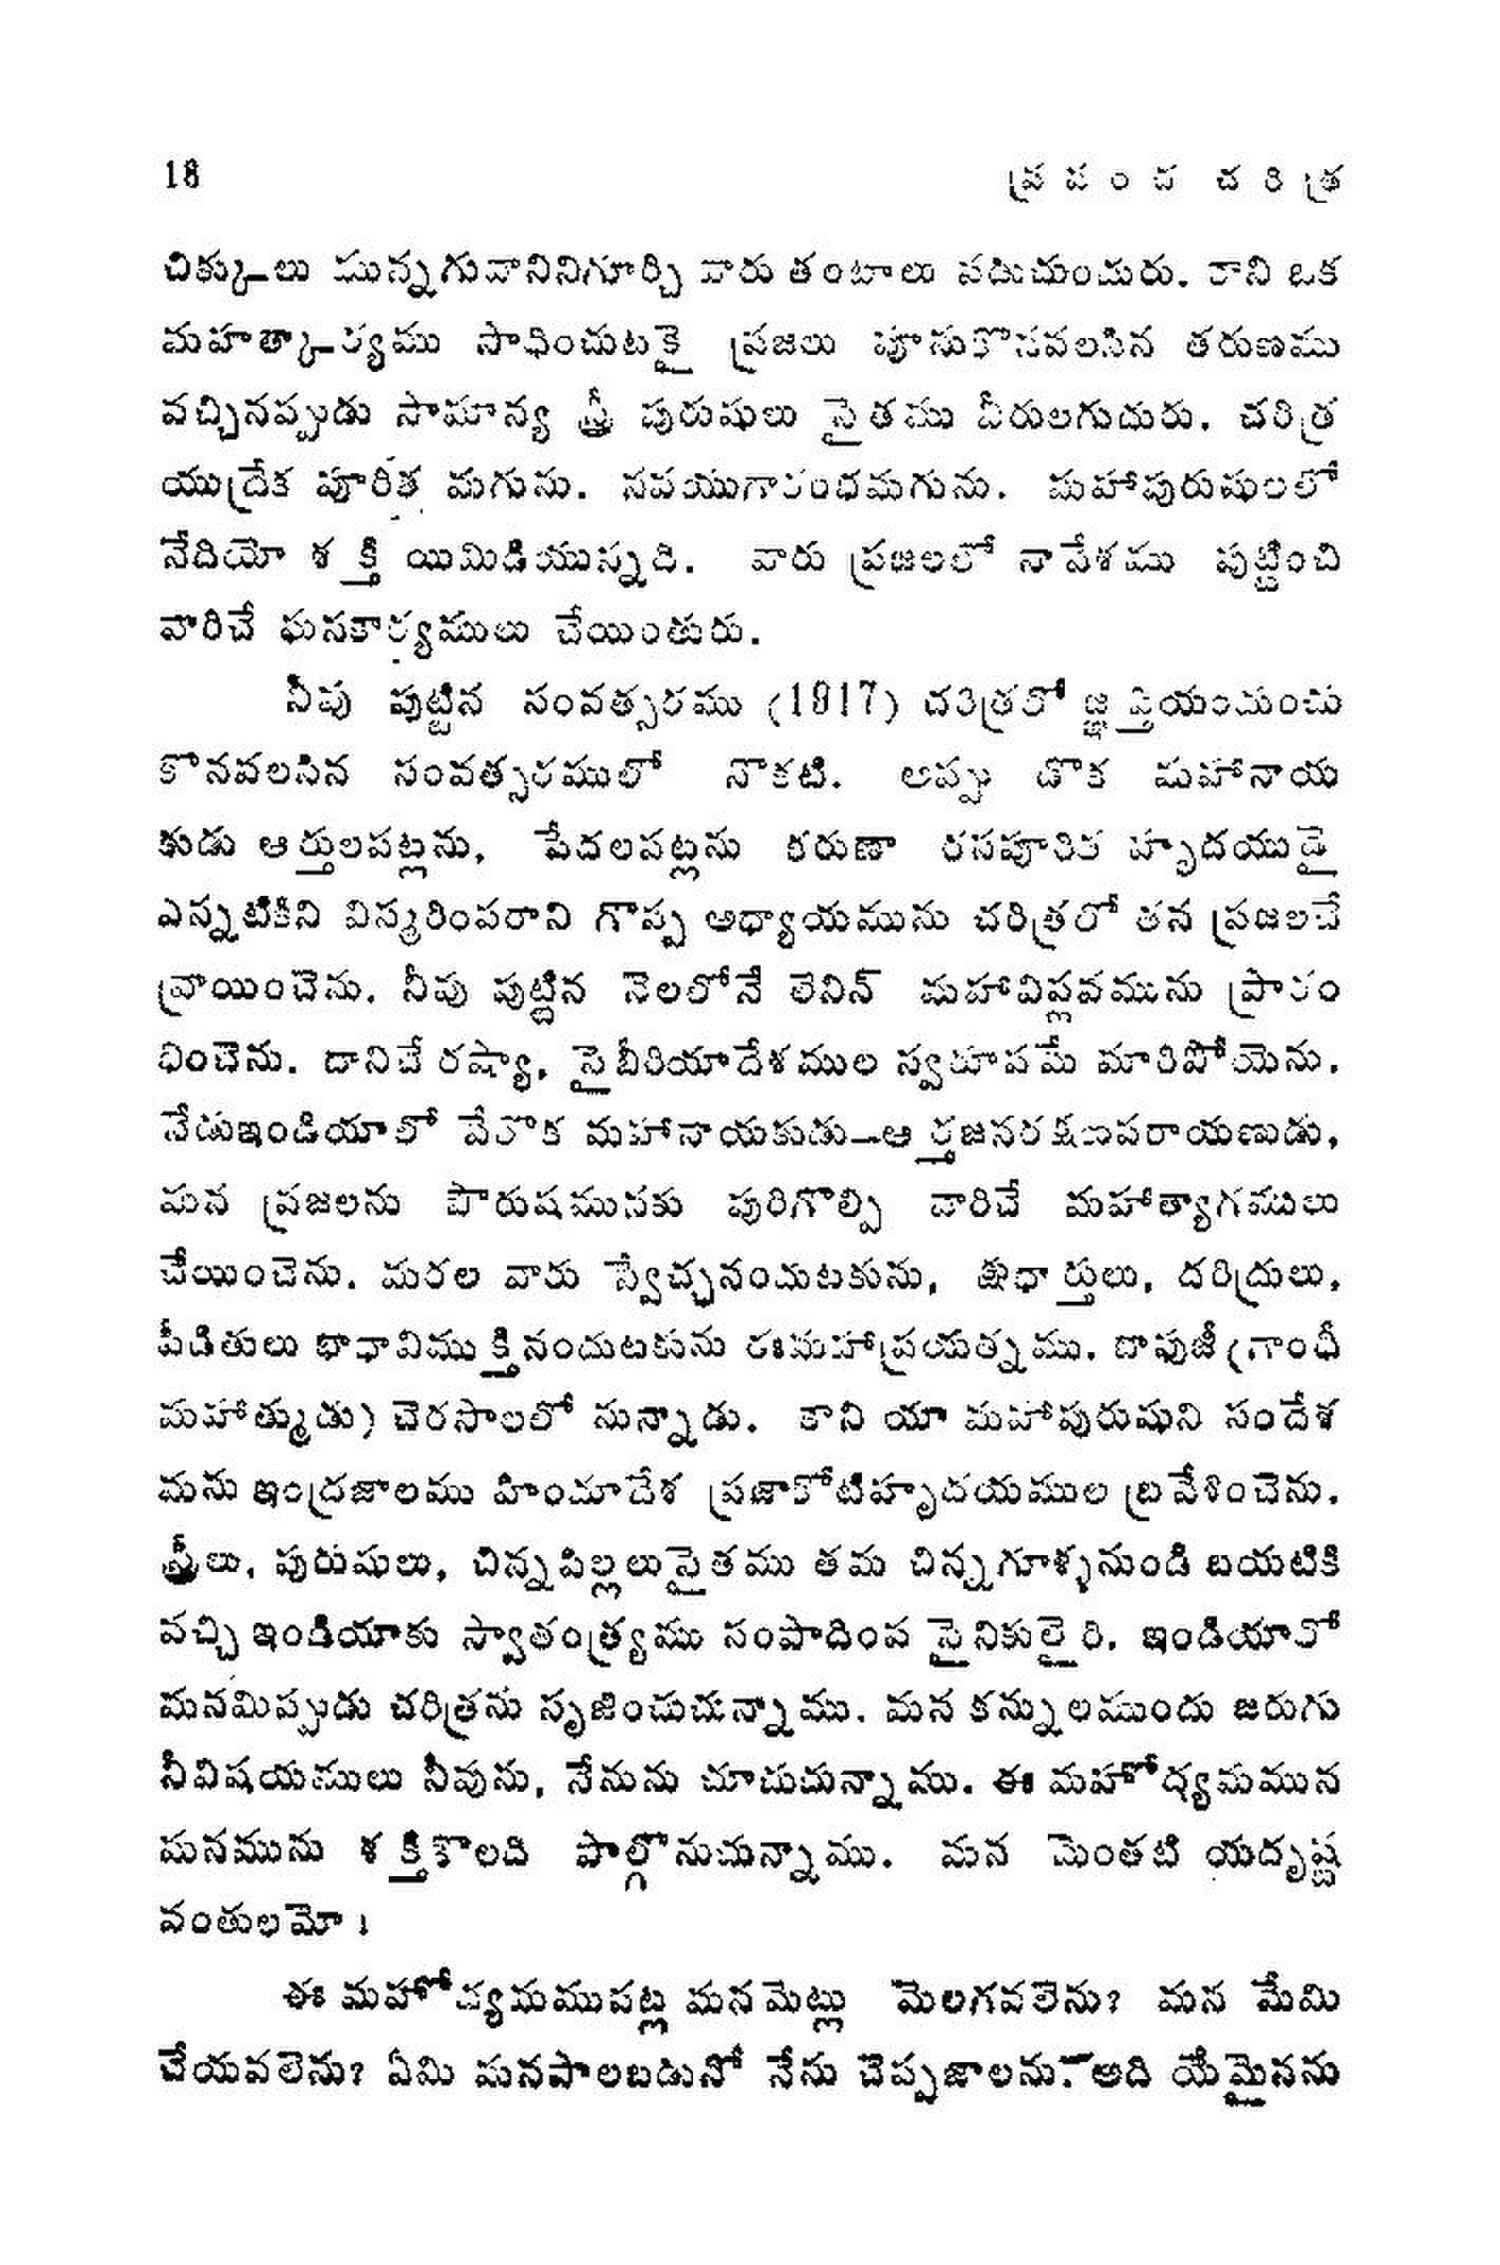చిక్కులు మున్నగువానినిగూర్చి వారు తంటాలు పడుచుందురు. కాని ఒక మహత్కార్యము సాధించుటకై ప్రజలు పూనుకొనవలసిన తరుణము వచ్చినప్పుడు సామాన్య స్త్రీ పురుషులు సైతము వీరులగుదురు. చరిత్ర యుద్రేక పూరిత మగును. నవయుగారంభమగును. మహాపురుషులలో నేదియో శక్తి యిమిడి యున్నది. వారు ప్రజలలో నావేశము పుట్టించి వారిచే ఘనకార్యములు చేయింతురు.

నీవు పుట్టిన సంవత్సరము (1917) చరిత్రలో జ్ఞప్తియందుంచు కొనవలసిన సంవత్సరములో నొకటి. అప్పు డొక మహానాయకుడు ఆర్తులపట్లను, పేదలపట్లను కరుణా రసపూరిత హృదయుడై ఎన్నటికిని విస్మరింపరాని గొప్ప అధ్యాయమును చరిత్రలో తన ప్రజలచే వ్రాయించెను. నీవు పుట్టిన నెలలోనే లెనిన్ మహా విప్లవమును ప్రారంభించెను. దానిచే రష్యా, సైబీరియాదేశముల స్వరూపమే మారిపోయెను. నేడు ఇండియాలో వేరొక మహానాయకుడు-ఆర్తజనరక్షణ పరాయణుడు, మన ప్రజలను పౌరుషమునకు పురిగొల్పి వారిచే మహాత్యాగములు చేయించెను. మరల వారు స్వేచ్చనందుటకును, క్షుధార్తులు, దరిద్రులు, పీడితులు భాఛా విముక్తి నందుటకును ఈ మహాప్రయత్నము. బాఫుజీ (గాంధీ మహాత్ముడు} చెరసాలలో నున్నాడు. కాని యా మహాపురుషుని సందేశ మను ఇంద్రజాలము హిందూదేశ ప్రజాకోటిహృదయముల బ్రవేశించెను. స్త్రీలు, పురుషులు, చిన్నపిల్లలు సైతము తమ చిన్నగూళ్ళనుండి బయటికి వచ్చి ఇండియాకు స్వాతంత్ర్యము సంపాదింప సైనికులైరి. ఇండియాలో మనమిప్పుడు చరిత్రను సృజించుచున్నాము. మన కన్నులముందు జరుగు నీ విషయములు నీవును, నేనును చూచుచున్నాము. ఈ మహోద్యమమున మనమును శక్తికొలది పాల్గొనుచున్నాము. మన మెంతటి యదృష్ట వంతులమో!

ఈ మహోద్యమముపట్ల మన మెట్లు మెలగవలెను? మస మేమి చేయవలెను? ఏమి మనపాలబడునో నేను చెప్పజాలను. అది యేమైనను